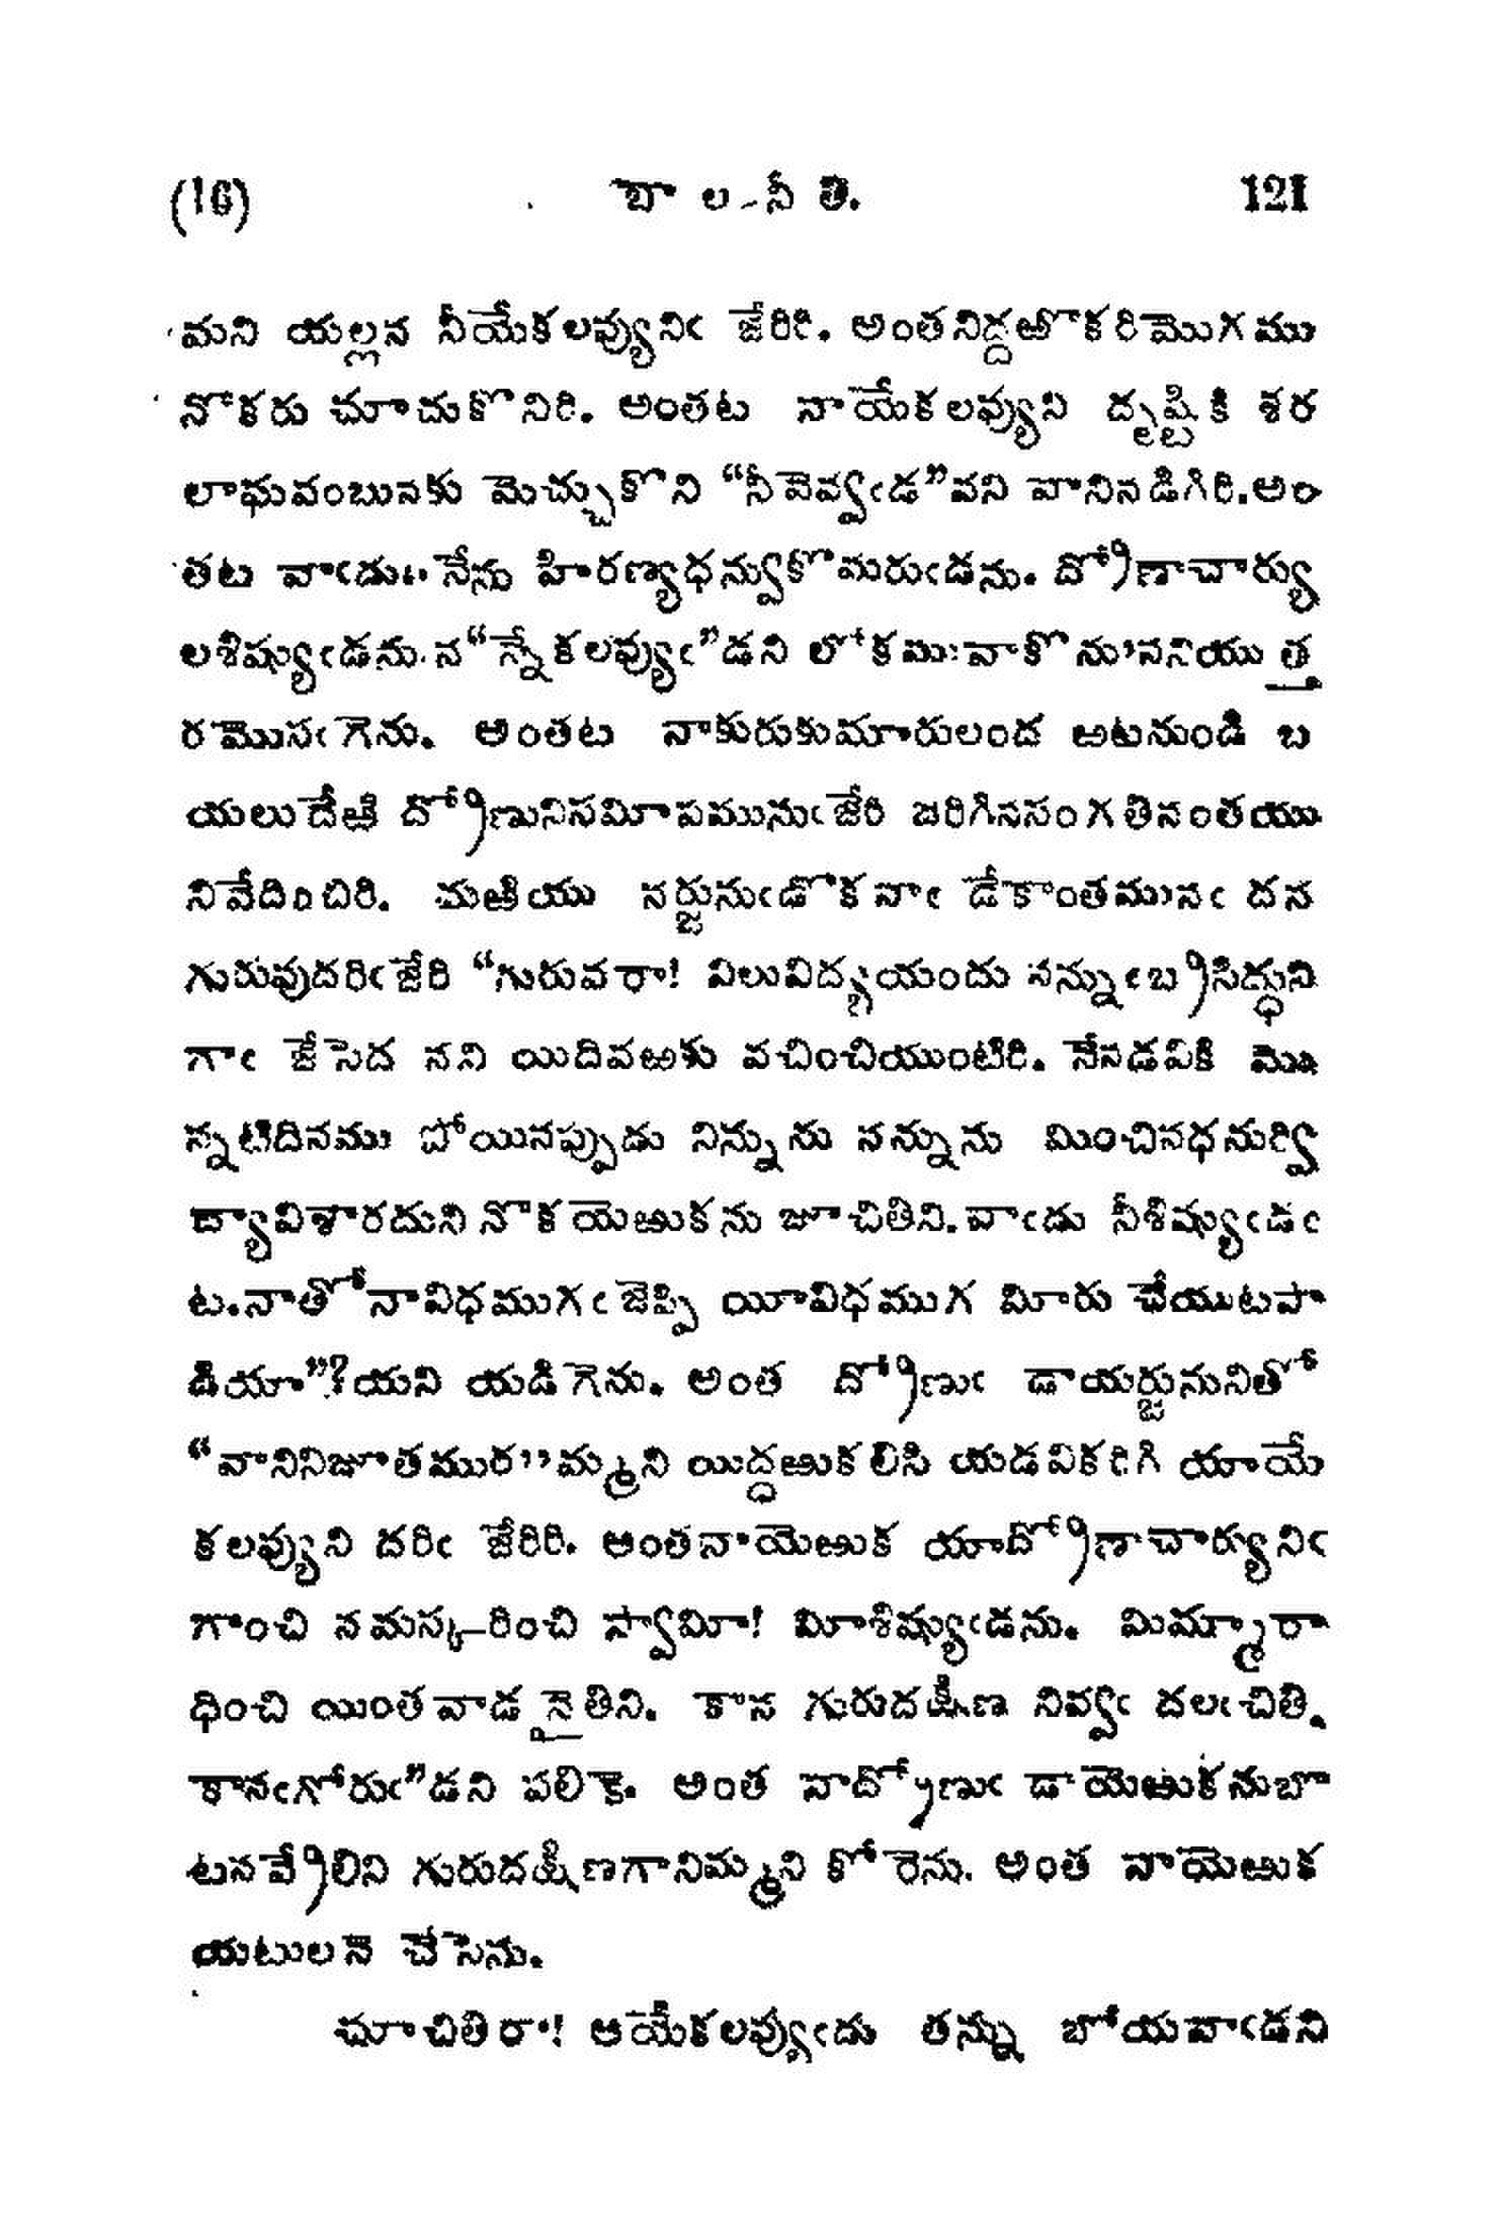మని యల్లన నేయేకలవ్యునిఁ జేరిరి. అంతనిద్దఱొకరిమొగము 
నొకరు చూచుకొనిరి. అంతట నాయేకలవ్యుని దృష్టికి శర
లాఘవంబునకు మెచ్చుకొని "నీవెవ్వఁడ"వని వానినడిగిరి. అం
తట వాఁడు "నేను హిరణ్యధన్వుకొమరుఁడను. ద్రోణాచార్యు
లశిష్యుఁడను న "న్నేకలవ్యు"డని లోకమువాకొనుననియుత్త
రమొసఁగెను. అంతట నాకురుకుమారులంద ఱటనుండి బ
యలుదేఱి ద్రోణునిసమీపమునుఁజేరి జరిగినసంగతినంతయు 
నివేదించిరి. మఱియు నర్జునుఁడొకనాఁడేకాంతమునఁ దన 
గురువుదరిఁజేరి "గురువరా! విలువిద్యయందు నన్నుఁబ్రసిద్ధుని
గాఁ జేసెద నని యిదివఱకు వచించియుంటిరి. నేనడవికి మొ
న్నటిదినము పోయినప్పుడు నిన్నును నన్నును మించినధనుర్వి
ద్యావిశారదుని నొకయెఱుకను జూచితిని. వాఁడు నీశిష్యుఁడఁ
ట. నాతోనావిధముగఁజెప్పి యీవిధముగ మీరు చేయుటపా
డియా"? యని యడిగెను. అంత ద్రోణుఁ డాయర్జునునితో
"వానినిజూతముర"మ్మని యిద్దఱుకలిసి యడవికరిగి యాయే
కలవ్యుని దరిఁ జేరిరి. అంతనాయెఱుక యాద్రోణాచార్యునిఁ 
గాంచి నమస్కరించి స్వామీ! మీశిష్యుఁడను. మిమ్మారా
ధించి యింతవాడనైతిని. కాన గురుధక్షిణ నివ్వఁ దలఁచితి. 
కానఁగోరుఁ"డని పలికె. అంత నాద్రోణుఁ డాయెఱుకనుబొ
టనవ్రేలిని గురుదక్షిణగానిమ్మని కోరెను. అంత నాయెఱుక 
యటులనె చేసెను.

చూచితిరా! ఆయేకలవ్యుడు తన్ను బోయవాఁడని